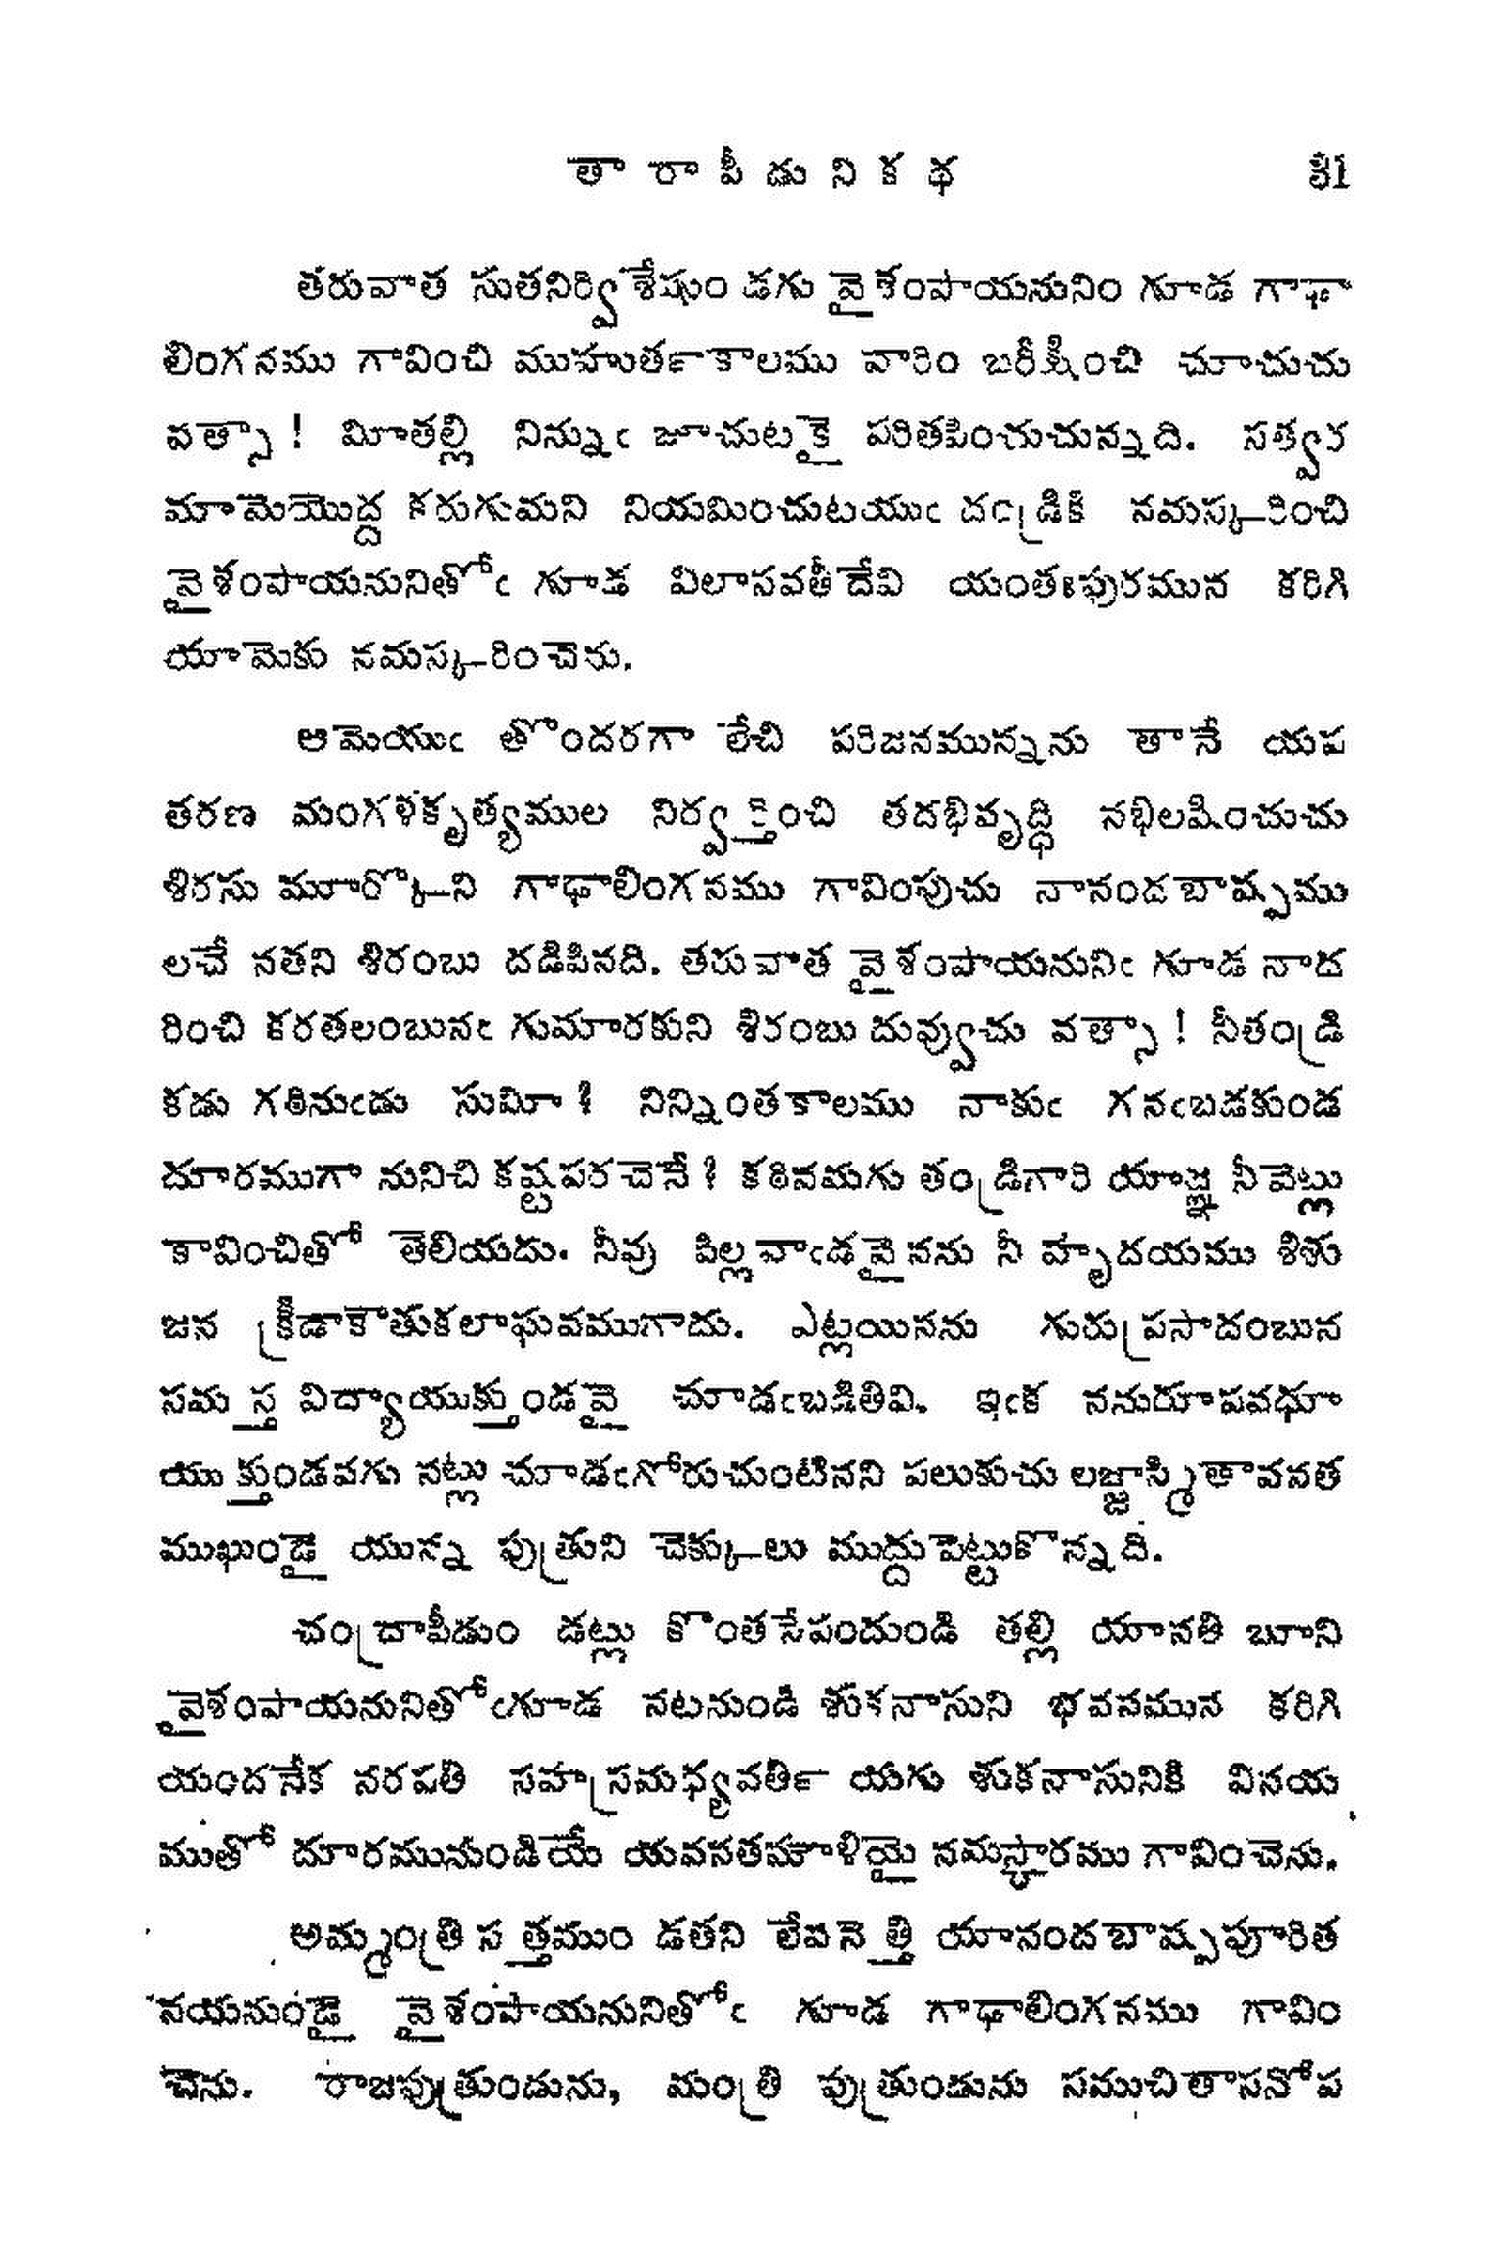తరువాత సుతనిర్విశేషుం డగు వైశంపాయనునిం గూడ గాఢాలింగనము గావించి ముహుత౯కాలము వారిం బరీక్షించి చూచుచు వత్సా! మీతల్లి నిన్నుఁ జూచుటకై పరితపించుచున్నది. సత్వర మామెయొద్ద కరుగుమని నియమించుటయుఁ దండ్రికి నమస్కరించి వైశంపాయనునితోఁ గూడ విలాసవతీదేవి యంతఃపురమున కరిగి యామెకు నమస్కరించెను.

ఆమెయుఁ తొందరగా చేచి పరిజనమున్నను తానే యవతరణ మంగళకృత్యముల నిర్వర్తించి తదభివృద్ధి నభిలషించుచు శిరసు మూర్కొని గాఢాలింగనము గావింపుచు నానందబాష్పములచే నతని శిరంబు దడిపినది. తరువాత వైశంపాయనునిఁ గూడ నాదరించి కరతలంబునఁ గుమారకుని శిరంబు దువ్వుచు వత్సా! నీతండ్రి కడు గఠినుఁడు సుమీ? నిన్నింతకాలము నాకుఁ గనఁబడకుండ దూరముగా నునిచి కష్టపరచెనే? కఠినమగు తండ్రిగారి యాజ్ఞ నీవెట్లు కావించితో తెలియదు. నీవు పిల్లవాఁడవైనను నీ హృదయము శిశుజన క్రీడాకౌతుకలాఘవముగాదు. ఎట్లయినను గురుప్రసాదంబున సమస్త విద్యాయుక్తుండవై చూడఁబడితివి. ఇఁక ననురూపవధూ యుక్తుండవగు నట్లు చూడఁగోరుచుంటినని పలుకుచు లజ్జాస్మితావనత ముఖుండై యున్న పుత్రుని చెక్కులు ముద్దుపెట్టుకొన్నది.

చంద్రాపీడుం డట్లు కొంతసేపందుండి తల్లి యానతి బూని వైశంపాయనునితోఁగూడ నటనుండి శుకనాసుని భవనమున కరిగి యందనేక నరపతి సహస్రమధ్యవతి౯ యగు శుకనాసునికి వినయముతో దూరమునుండియే యవనతమౌళియై నమస్కారము గావించెను.

అమ్మంత్రి సత్తముం డతని లేవనెత్తి యానందబాష్పపూరిత నయనుండై వైశంపాయనునితోఁ గూడ గాఢాలింగనము గాచించెను. రాజపుత్రుండును, మంత్రి పుత్రుండును సముచితాసనోప